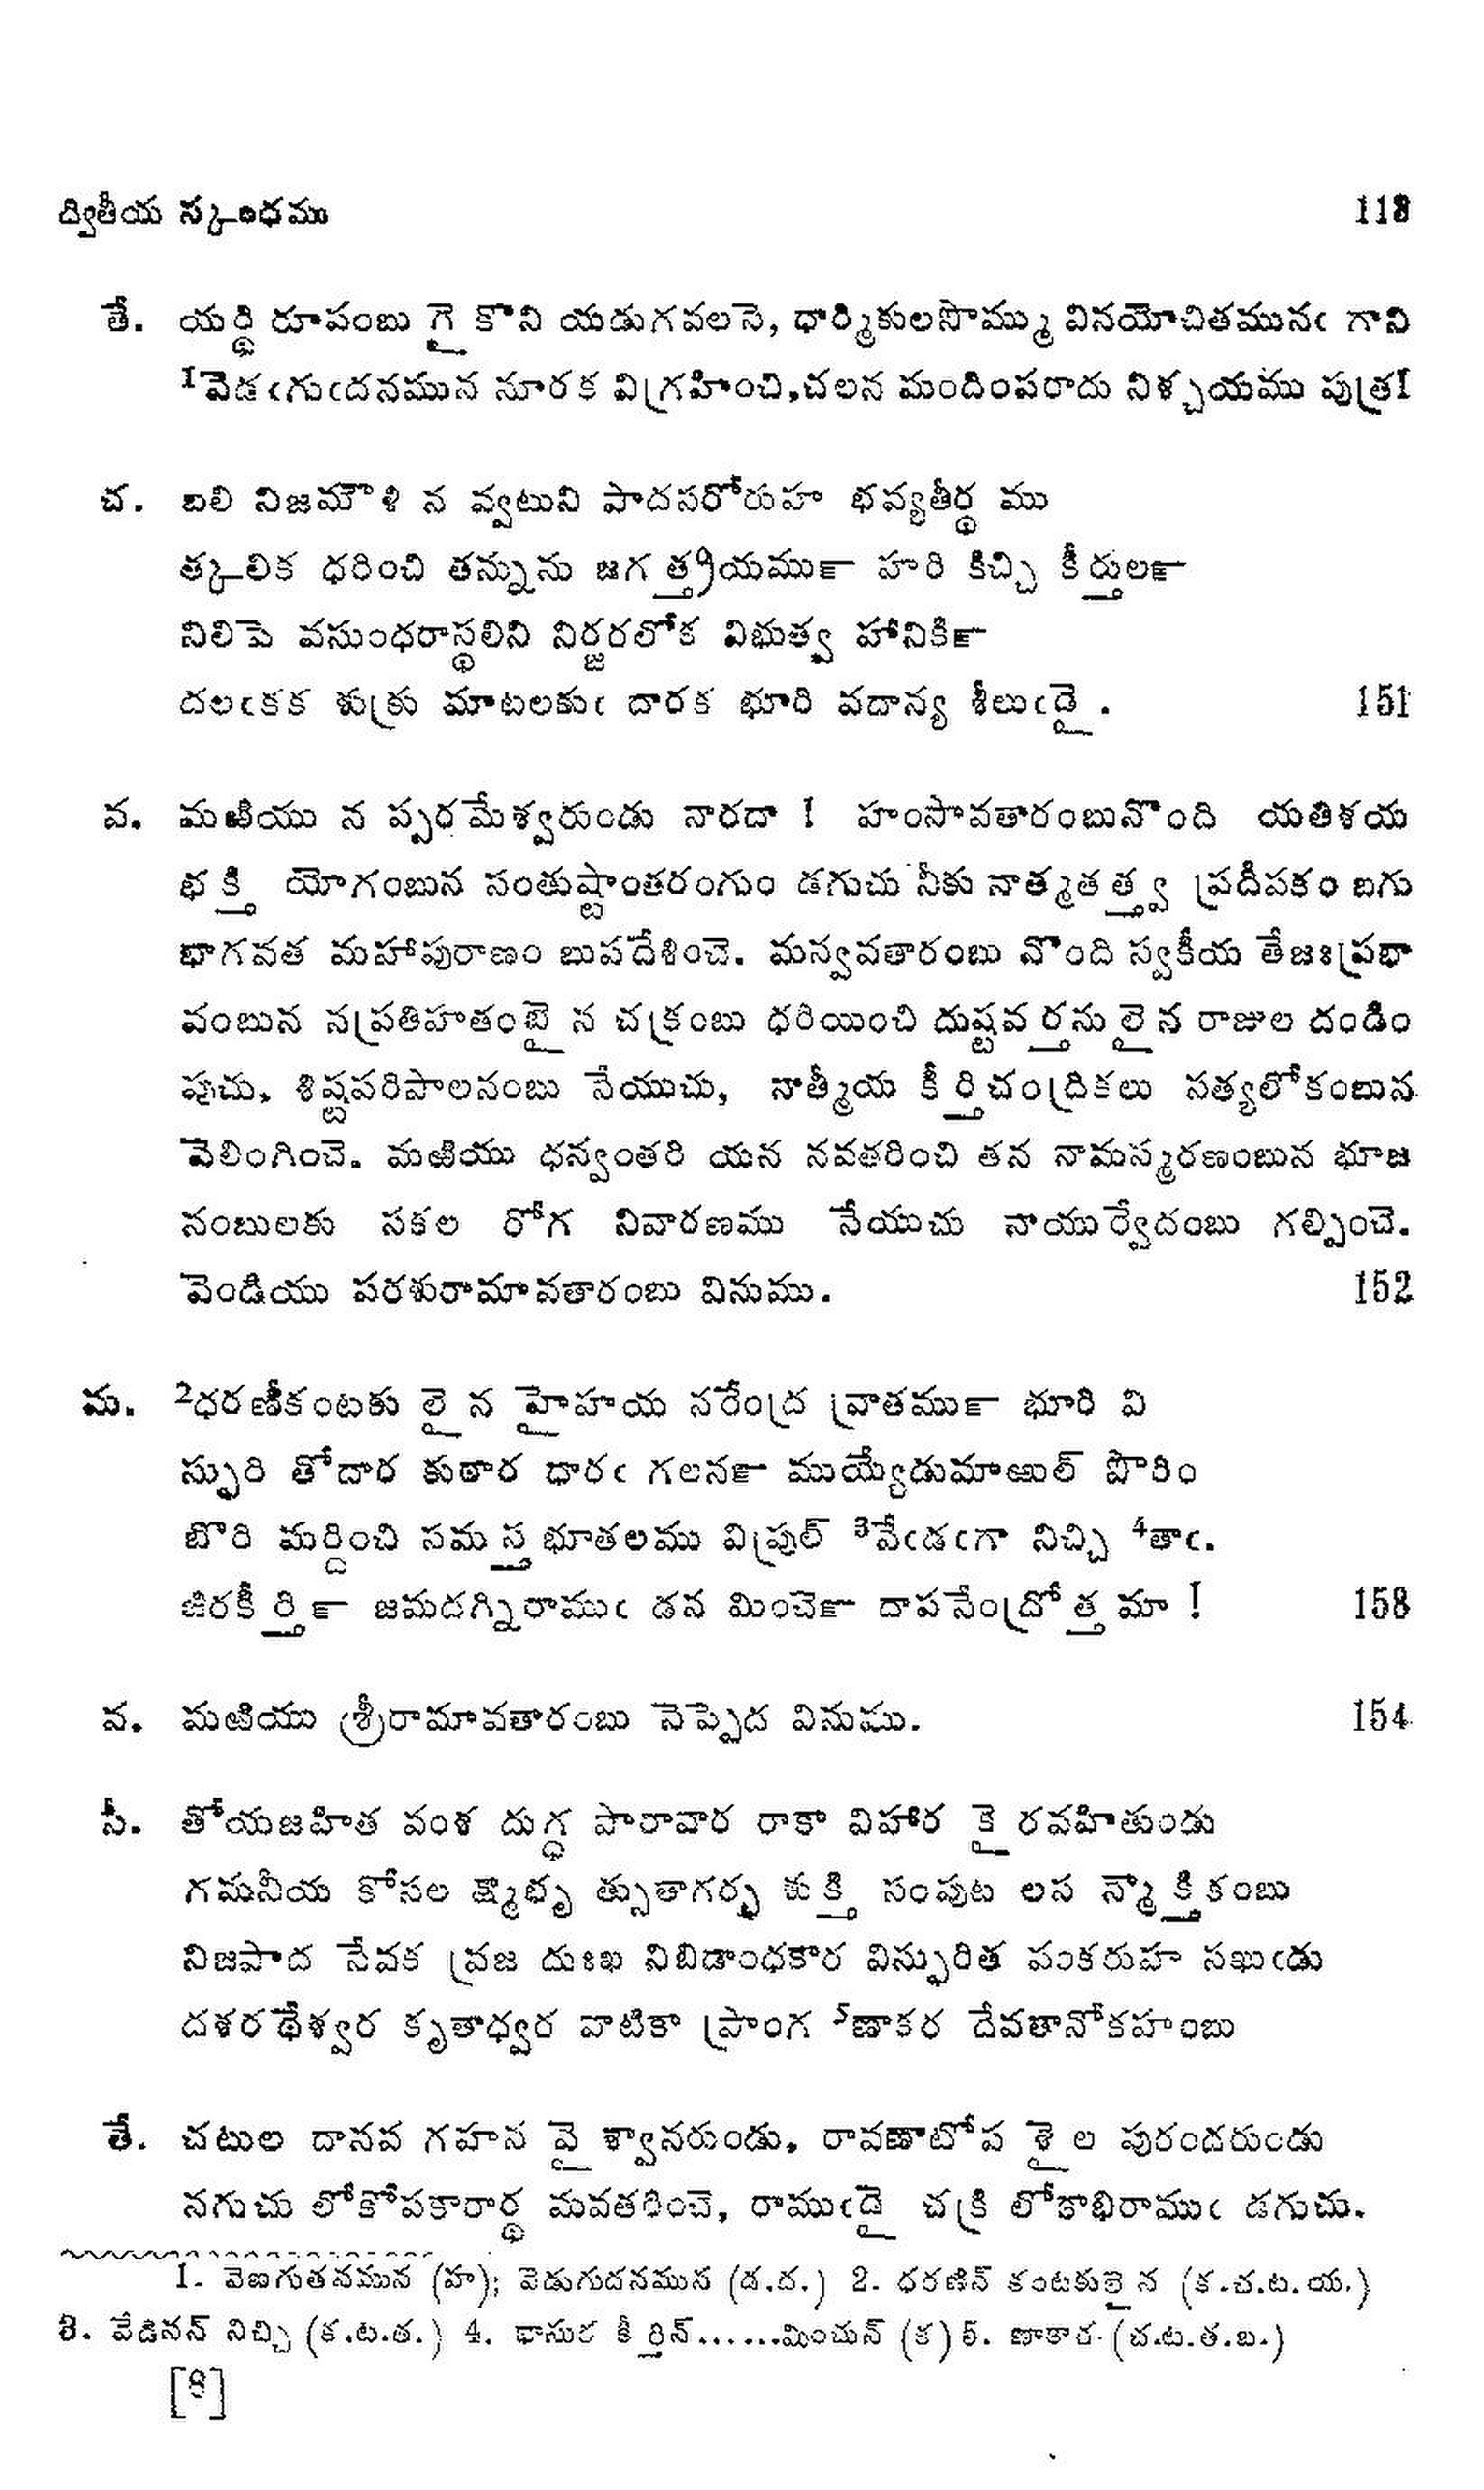113

తే. యర్థి రూపంబు గైకొని యడుగవలసె, ధార్మికుల సొమ్ము వినయోచితమునఁ గాని

వెడఁగుఁదనమున నూరక విగ్రహించి, చలన మందింపరాదు నిశ్చయము పుత్ర! ( 150 )

చ. బలి నిజమౌళి న వ్వటుని పాదసరోరుహ భవ్యతీర్థ ము 

త్కలిక ధరించి తన్నును జగత్తృయమున్ హరి కిచ్చి కీర్తులన్

నిలిపె వసుంధరాస్థలిని నిర్భరలోక విభుత్వ హానికిన్

దలఁకక శుక్రు మాటలకుఁ దారక భూరి వదాన్య శీలుఁడై ( 151 )

వ. మఱియు న ప్పరమేశ్వరుండు నారదా! హంసావతారంబు నొంది యతిశయ భక్తి యోగంబున సంతుష్టాంతరంగుం డగుచు నీకు నాత్మతత్త్వ ప్రదీపకంబగు భాగవత మహాపురాణం బుపదేశించె. మన్వతారంబు నొంది స్వకీయ తేజ:ప్రభావంబున నప్రతిహతంబైన చక్రంబు ధరియించి దుష్టవర్తనులైన రాజుల దండింపుచు, శిష్ట పరిపాలనంబు సేయుచు, నాత్మీయ కీర్తిచంద్రికలు సత్యలోకంబున వెలిగించె. మఱియు ధన్వంతరి యన నవతరించి తన నామస్మరణంబున భూజనంబులకు సకల రోగ నివారణము సేయుచు నాయుర్వేదంబు గల్పించె. వెండియు పరశురామావతఅరంబు వినుము. ( 152 )

మ. ధరణీకంటకు లైన హైహయ నరేంద్ర వ్రాతమున్ భూరి వి

స్ఫురి తోదార కుఠార ధారఁ గలనన్ ముయ్యేడుమాఱుల్ పొరిం

బొరి మర్ధించి సమస్త భూతలము విప్రుల్ వేఁడఁగా నిచ్చి తాఁ

జిరకీర్తిన్ జమదగ్ని రాముఁ డన మించెన్ దాపసేంద్రోత్తమా ! ( 153 )

వ. మఱియు శ్రీరామావతారంబు సెప్పెద వినుము. ( 154 )

సీ. తోయజహిత వంశ దుగ్ధ పారావార రాకా విహార కైరవహితుండు

గమనీయ కోసల క్ష్మాభృ త్సుతాగర్భ శుక్తి సంపుట లస న్మౌక్తికంబు 

నిజపాద సేవక వ్రజ దు:ఖ నిబిడాంధకార విస్ఫురిత పంక రుహ సఖుఁడు

దశరథేశ్వర కృతాధ్వర వాటికా ప్రాంగ ణాకర దేవతానోకహంబు

తే. చటుల దానవ గహన వైశ్వానరుండు, రావణాటోప శైల పురందరుండు

నగచు లోకోపకారార్థ మవతరించె, రాముఁడై చక్రి లోకాభిరాముఁడగుచు ( 155 )